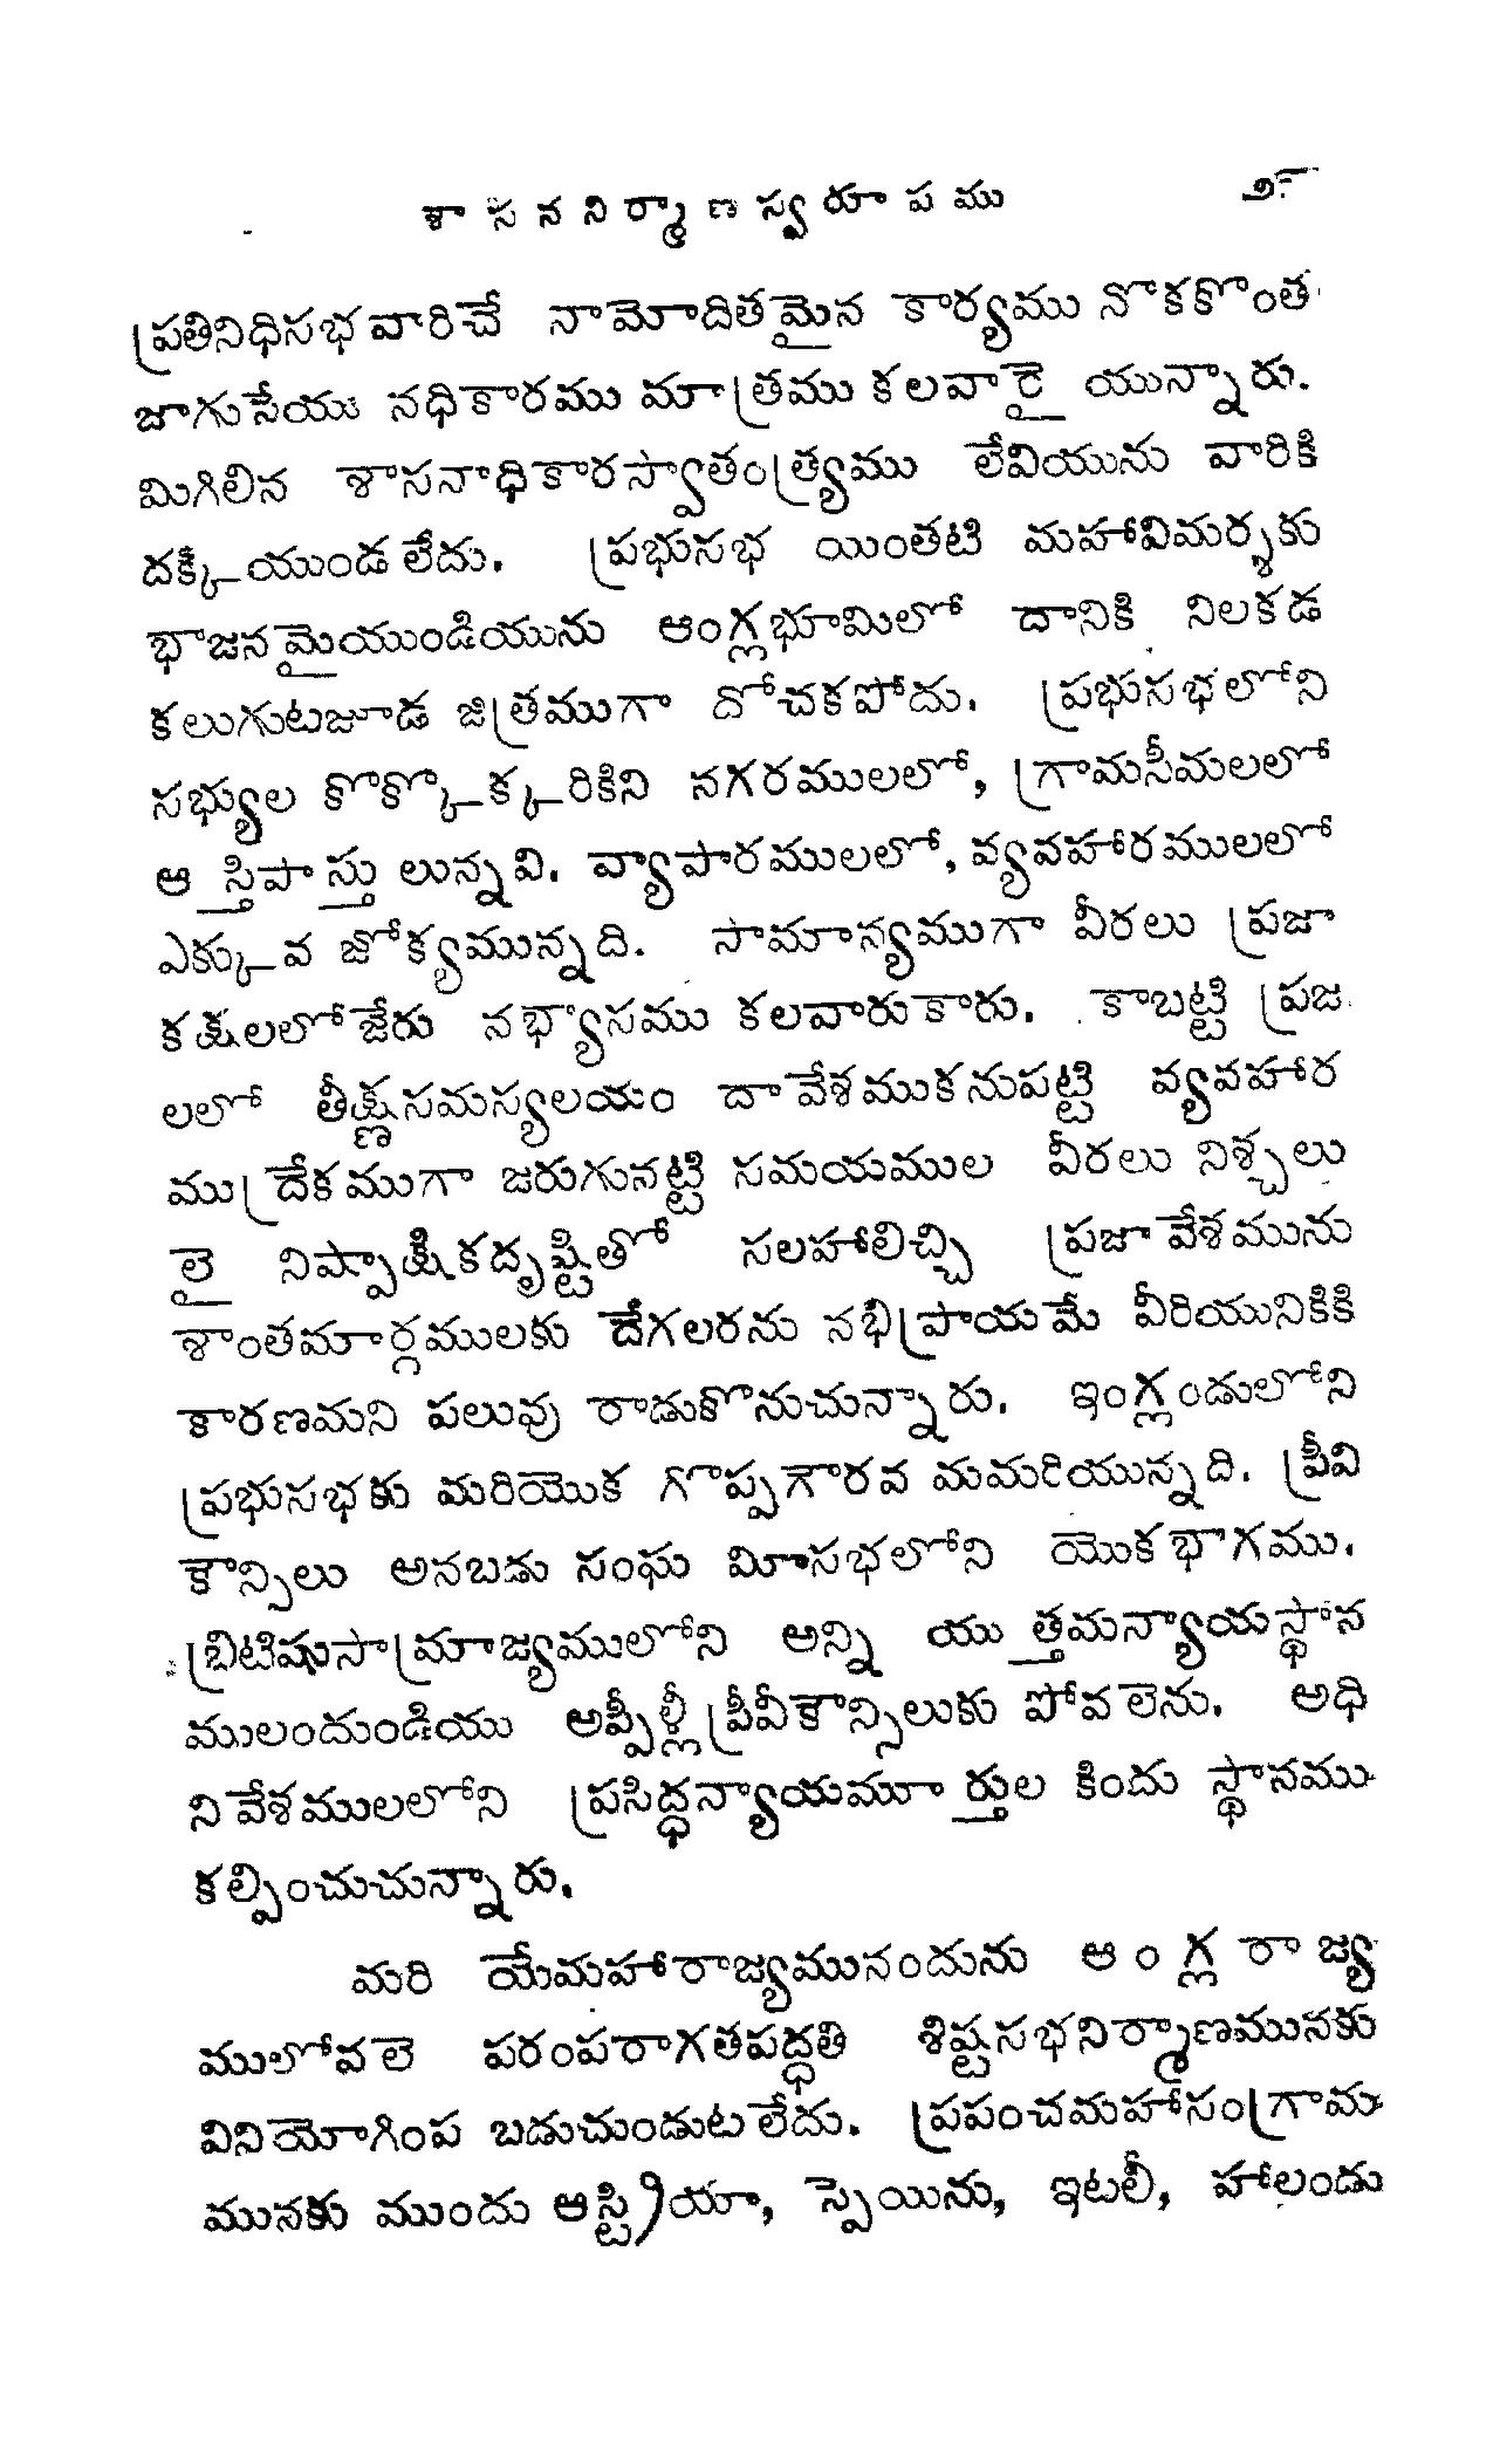ప్రతినిధిసభవారిచే నామోదితమైన కార్యము నొకకొంత జాగుసేయు నధికారము మాత్రము కలవారై యున్నారు. మిగిలిన శాసనాధికారస్వాతంత్ర్యము లేవియును వారికి దక్కియుండ లేదు. ప్రభుసభ యింతటి మహావిమర్శకు భాజనమైయుండియును ఆంగ్లభూమిలో దానికి నిలకడ కలుగుటజూడ జిత్రముగా దోచకపోదు. ప్రభుసభలోని సభ్యుల కొక్కొక్కరికిని నగరములలో, గ్రామసీమలలో ఆస్తిపాస్తు లున్నవి. వ్యాపారములలో, వ్యవహారములలో ఎక్కువ జోక్యమున్నది. సామాన్యముగా వీరలు ప్రజూకక్షలలోజేరు నభ్యాసము కలవారుకారు. . కాబట్టి ప్రజలలో తీక్ష్ణసమస్యలయం దావేశముకనుపట్టి వ్యవహార ముద్రేకముగా జరుగునట్టి సమయముల వీరలు నిశ్చలులై నిష్పాక్షికదృష్టితో సలహాలిచ్చి ప్రజావేశమును శాంతమార్గములకు దేగలరను నభిప్రాయమే వీరియునికికి కారణమని పలువు రాడుకొనుచున్నారు. ఇంగ్లండులోని ప్రభుసభకు మరియొక గొప్పగౌరవ మమరియున్నది. ప్రీవి కౌన్సిలు అనబడు సంఘ మీసభలోని యొకభాగము. బ్రిటిషుసామ్రాజ్యములోని అన్ని యుత్తమన్యాయస్థాన
ములందుండియు అప్పీళ్లీ ప్రీవీకౌన్సిలుకు పోవలెను. అధినివేశములలోని ప్రసిద్ధన్యాయమూర్తుల కిందు స్థానము కల్పించుచున్నారు,

మరి యేమహారాజ్యమునందును ఆంగ్లరాజ్యములోవలె పరంపరాగతపద్ధతి శిష్టసభనిర్మాణమునకు
వినియోగింప బడుచుండుటలేదు. ప్రపంచమహాసంగ్రామమునకు ముందు ఆస్ట్రియా, స్పెయిను, ఇటలీ, హాలండు